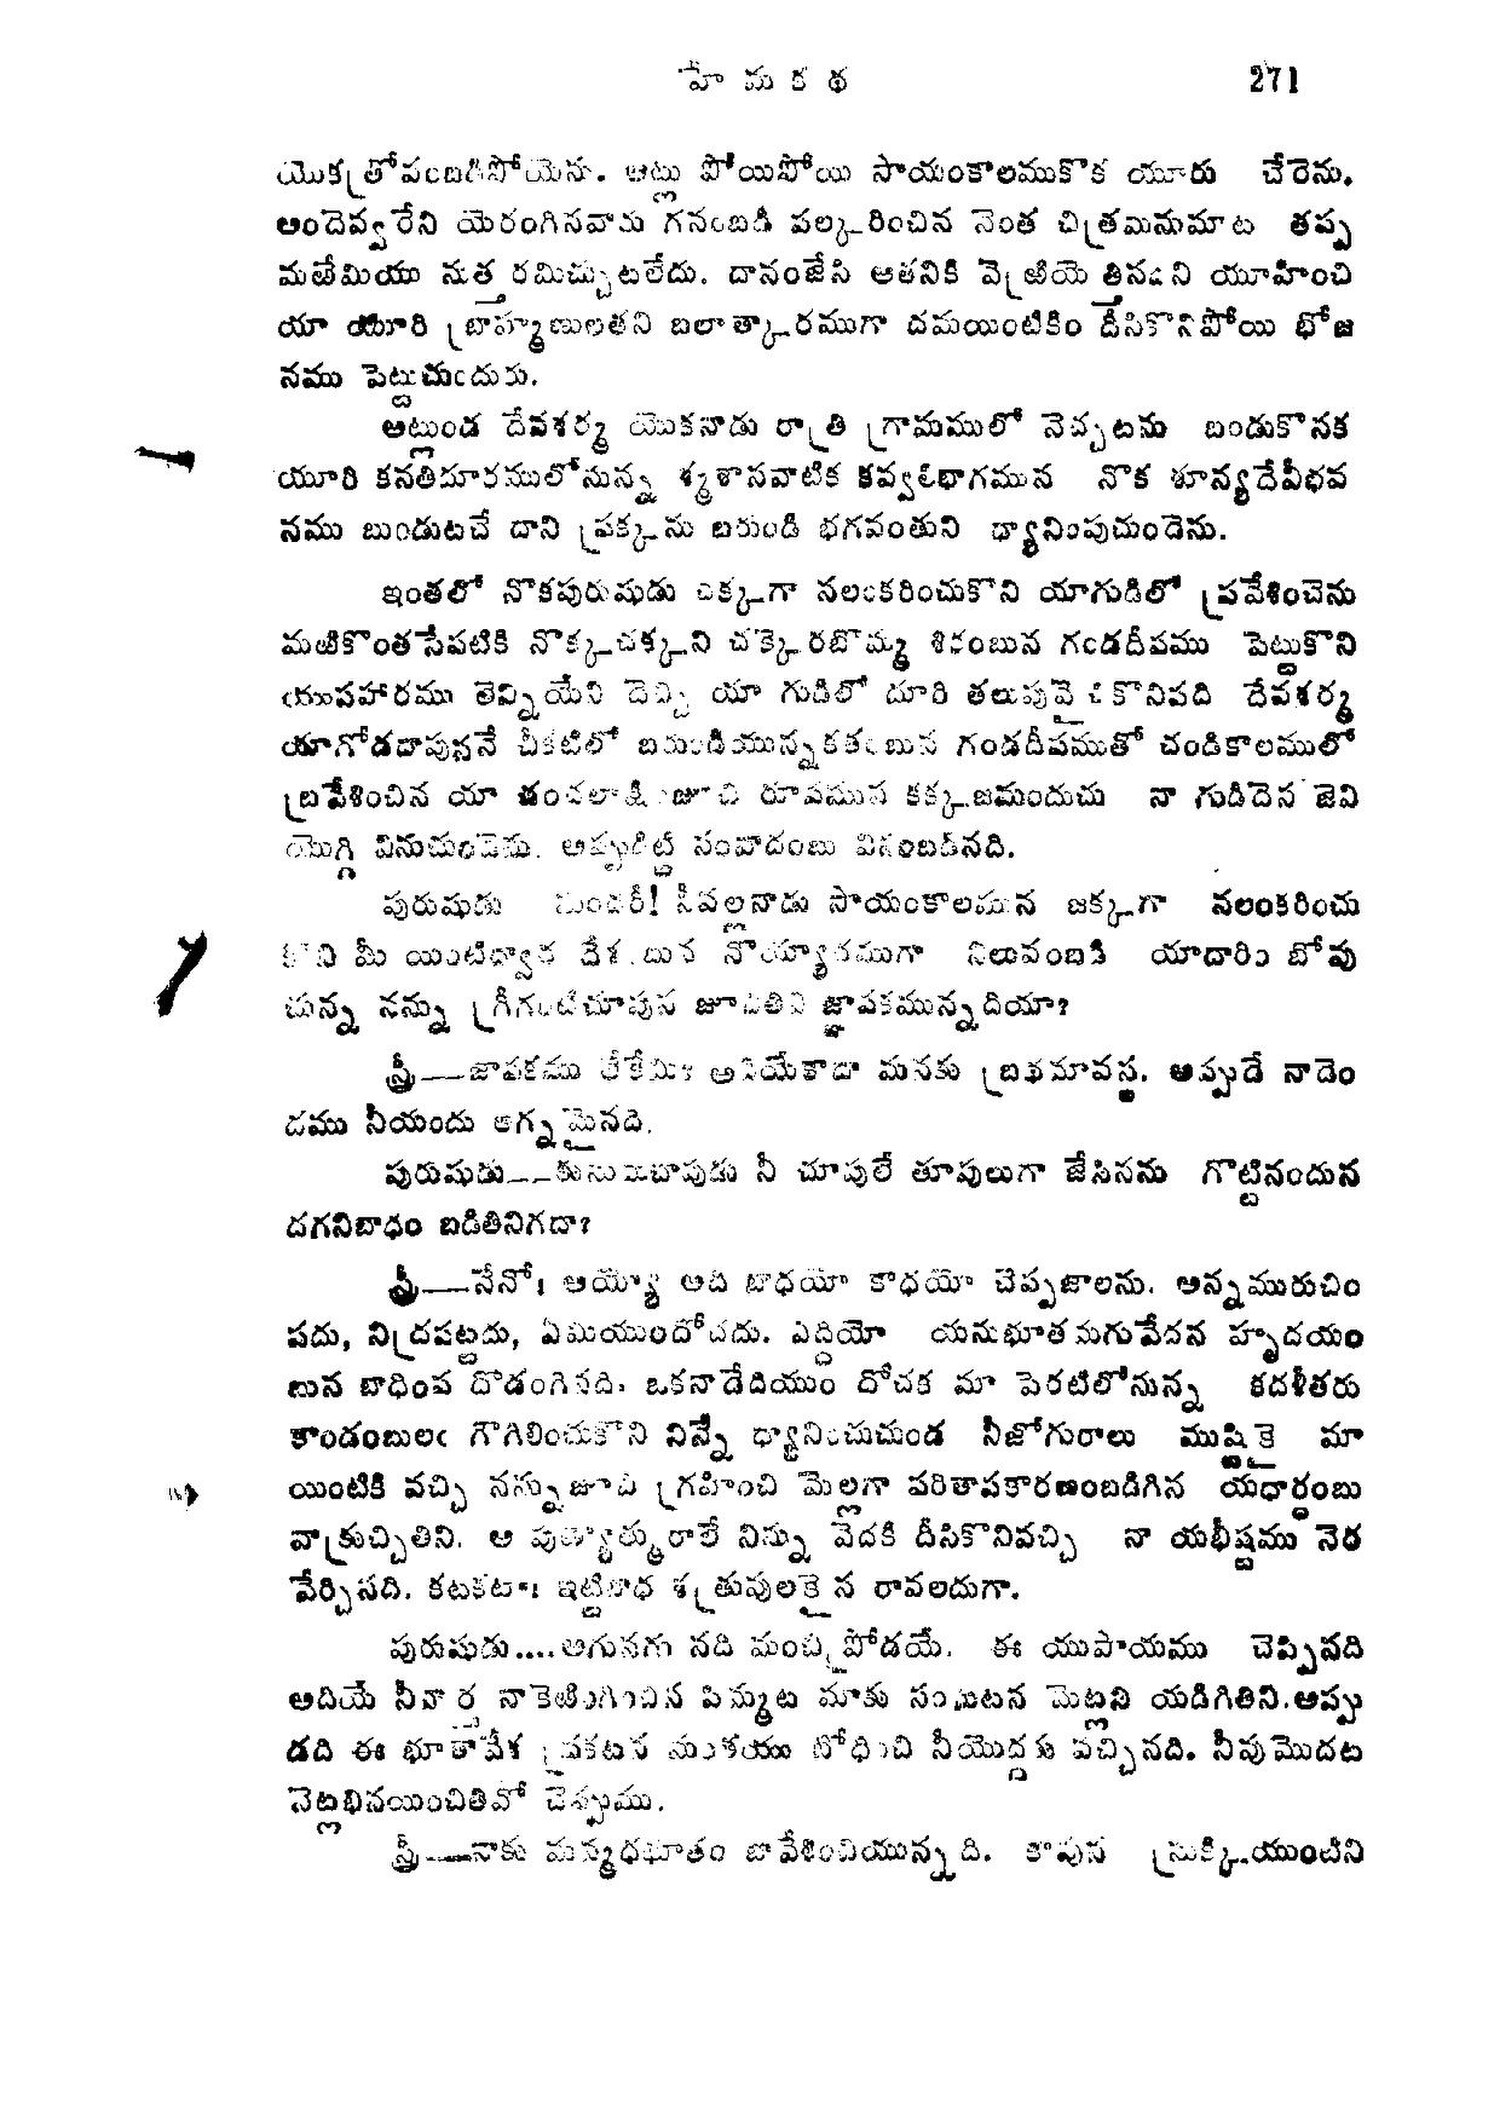యొకత్రోవంబడిపోయెను. అట్లు పోయిపోయి సాయంకాలముకొక యూరు చేరెను. అందెవ్వరేని యెరంగినవారు గనంబడి పల్కరించిన నెంత చిత్రమనుమాట తప్ప మఱేమియు నుత్తరమిచ్చుటలేదు. దానంజేసి ఆతనికి వెఱ్ఱియెత్తినదని యూహించి యా యూరి బ్రాహ్మణు లతని బలాత్కారముగా దమయింటికిం దీసికొనిపోయి భోజనము పెట్టుచుందురు.

అట్లుండ దేవశర్మ యొకనాడు రాత్రి గ్రామములో నెచ్చటను బండుకొనక యూరి కనతిదూరములోనున్న శ్మశానవాటిక కవ్వలిభాగమున నొక శూన్యదేవీభవనం బుండుటచే దాని ప్రక్కను బరుండి భగవంతుని ధ్యానింపుచుండెను.

ఇంతలో నొకపురుషుడు చక్కగా నలంకరించుకొని యాగుడిలో ప్రవేశించెను మఱికొంతసేపటికి నొక్క చక్కని చక్కెరబొమ్మ శిరంబున గండదీపము పెట్టుకొని యుపహారము లెన్నియేని దెచ్చి యా గుడిలో దూరి తలుపువైచికొనినది దేవశర్మ యాగోడదాపుననే చీకటిలో బరుండియున్నకతంబున గండదీపముతో చండికాలములో బ్రవేశించిన యా చంచలాక్షింజూచి రూపమున కక్కజమందుచు నా గుడిదెస జెవి యొగ్గి వినుచుండెను. అప్పుడిట్టి సంవాదంబు వినంబడినది.

పురుషుడు ౼ సుందరీ! నీవల్లనాడు సాయంకాలమున జక్కగా నలంకరించుకొని మీ యింటిద్వార దేశంబున నొయ్యారముగా నిలువంబడి యాదారిం బోవుచున్న నన్ను గ్రీగంటిచూపున జూచితివి జ్ఞాపకమున్నదియా?

స్త్రీ -- జ్ఞాపకము లేకేమి? అదియేకదా మనకు బ్రథమావస్థ. అప్పుడే నాడెందము నీయందు లగ్నమైనది.

పురుషుడు - కుసుమచాపుడు నీ చూపులే తూపులుగా జేసి నను గొట్టినందున దగనిబాధం బడితినిగదా?

స్త్రీ - నేనో! అయ్యో అది బాధయో కాధయో చెప్పజాలను. అన్నము రుచింపదు, నిద్రపట్టదు, ఏమియుం దోచదు. ఎద్దియో యనుభూతమగువేదన హృదయంబున బాధింప దొడంగినది. ఒకనా డేదియుం దోచక మా పెరటిలోనున్న కదళీతరుకాండంబులఁ గౌగిలించుకొని నిన్నే ధ్యానించుచుండ నీజోగురాలు ముష్టికై మా యింటికి వచ్చి నన్నుజూచి గ్రహించి మెల్లగా పరితాపకారణంబడిగిన యథార్ధంబు వాక్రుచ్చితిని. ఆ పుణ్యాత్మురాలే నిన్ను వెదకి దీసికొనివచ్చి నా యభీష్టము నెరవేర్చినది. కటకటా! ఇట్టి బాధ శత్రువులకైన రావలదుగా.

పురుషుడు - అగునగు నది మంచిప్రోడయే. ఈ యుపాయము చెప్పినది అదియే నీవార్త నాకెఱింగించిన పిమ్మట మాకు సంఘటన మెట్లని యడిగితిని. అప్పుడది ఈ భూతావేశప్రకటన మంతయు బోధించి నీయొద్దకు వచ్చినది. నీవు మొదట నెట్లభినయించితివో చెప్పుము.

స్త్రీ - నాకు మన్మథభూతం బావేశించియున్నది. కావున స్రుక్కియుంటిని